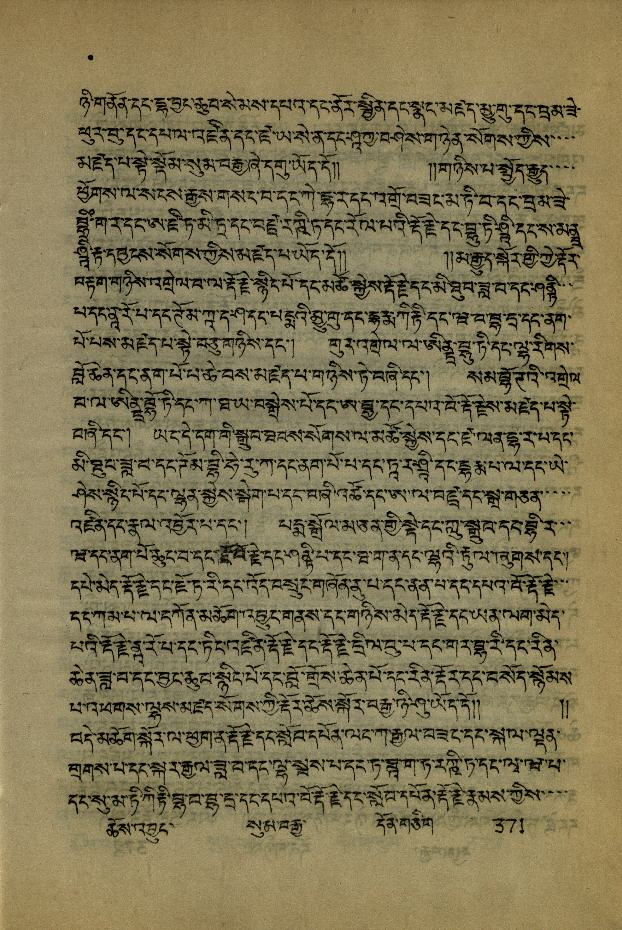ཉི་གནོན་དང་དྷ་བྱང་ཆུབ་སེམས་དཔའ་དང་ནོར་སྤྱིན་དང་སྣང་མཛད་མྱུ་གུ་དང་བྲམ་ཟེ་
ཕུར་བུ་དང་དཔལ་འཛིན་དང་ཛ་ཡ་སེ་ན་དང་ཤཱཀྱ་བཤེས་གཉེན་སོགས་ཀྱིས་
མཛད་པ་སྟེ་སྡོམ་སུམ་བརྒྱ་ཞེ་དགུ་ཡོད་དོ།། །།གཉིས་པ་སྤྱོད་རྒྱུད་
ཕྱོགས་ལ་སངས་རྒྱས་གསང་བ་དང་ཀེ་དྷ་ར་དང་འགྲོ་བཟང་མ་ཏི་བ་དང་བྲམ་ཟེ་
བྷྲིཾ་ག་ར་དང་ཨ་ཛི་ཏ་མི་ཏྲ་དང་བཛྲ་རཀྵི་ཏ་དང་རོལ་པའི་རྡོ་རྗེ་དང་བྷུ་ཏི་ཤྲཱི་དང་ས་མནྡྲ་
ཤྲཱི་རྟ་དབྱངས་སོགས་ཀྱིས་མཛད་པ་ཡོད་དོ།། །། མ་རྒྱུད་སྐོར་གྱི་ཀྱེ་རྡོར་
བརྟག་གཉིས་འགྲེལ་བ་ལ་རྡོ་རྗེ་སྙིང་པོ་དང་མཚོ་སྐྱེས་རྡོ་རྗེ་དང་མི་ཐུབ་ཟླ་བ་དང་ཤནྟི་
པ་དང་ནཱ་རོ་པ་དང་ཊོ་མ་ཀཱ་ད་ཤ་དང་པདམའི་མྱུ་གུ་དང་དྷརྨ་ཀོ་རྟི་དང་ཝ་བ་བྷ་དྲ་དང་ནག་
པོ་པས་མཛད་པ་སྟེ་བཅུ་གཉིས་དང་། གུར་འགྲེལ་ལ་ཨིནྡྲ་བྷུ་ཏི་དང་ལྷ་རིགས་
བློ་ཆེན་དང་ནག་པོ་པ་ཆེ་བས་མཛད་པ་གཉིས་ཏེ་བཞི་དང་། སམ་བྷོ་ཌའི་འགྲེལ་
པ་ལ་ཨིནྡྲ་བྷོ་ཏི་དང་ཀ་ཐ་ཡ་བསྒྲེས་པོ་དང་ཨ་བྷྱ་དང་དཔའ་བོ་རྡོ་རྗེས་མཛད་པ་སྟེ་
བཞི་དང་། ཡང་དེ་དག་གི་སྒྲུབ་ཐབས་སོགས་ལ་མཚོ་སྐྱེས་དང་ཛས་ལན་དྷ་ར་པ་དང་
མི་ཐུབ་ཟླ་བ་དང་ཌོ་མ་བྷི་བྷི་ཧེད་རུ་ཀ་དང་ནག་པོ་པ་དང་ཏཱ་ར་ཤྲཱི་དང་དྷ་རྨ་པ་ལ་དང་ཡེ་
ཤེས་སྙིང་པོ་དང་ལྷན་སྐྱེས་སྒེག་པ་དང་བཞི་འཚོ་དང་ཨ་ལ་བཛྲ་དང་སྒྲ་གཅན་
འཛིན་དང་རྣལ་འབྱོར་པ་དང་། པདམ་སྒྲོལ་མ་ཅན་གྱི་སྡེ་དང་ཀླུ་སྒྲུབ་དང་བྷི་ར་
ཝ་དང་ནག་པོ་ཆུང་པ་དང་ཇོ་བོ་རྗེ་དང་ཤནྟི་པ་དང་ཐ་ག་ན་དང་ལྷའི་རྟུལ་ཞུགས་དང་།
དཔེ་མེད་རྡོ་རྗེ་དང་ཇོ་ཏ་རི་དང་འོད་བསྲུང་གཞོན་ནུ་པ་དང་ནན་པ་དང་དཔའ་བོ་རྡོ་རྗེ་
དང་ཀམ་པ་ལ་དཀོན་མཆོག་འབྱུང་གནས་དང་གཉིས་མེད་རྡོ་རྗེ་དང་ཡན་ལག་མེད་
པའི་རྡོ་རྗེ་ནཱ་རོ་པ་དང་ཏིང་འཛིན་རྡོ་རྗེ་དང་རྡོ་རྗེ་དྲིལ་བུ་པ་དང་གར་བྷ་རི་དང་རིན་
ཆེན་ཟླ་བ་དང་བྱང་ཆུབ་སྙིང་པོ་དང་བློ་གྲོས་ཆེན་པོ་དང་རིན་རྡོར་དང་བསོད་སྙོམས་
པ་འཕགས་ལྷས་མཛད་སོགས་ཀྱི་རྡོར་ཆོས་སྐོར་བརྒྱ་ཉ་ཤུ་ཡོད་དོ།། །།
བདེ་མཆོག་སྐོར་ལ་ཕྱག་ན་རྡོ་རྗེ་དང་སློབ་དཔོན་ལང་ཀ་རྒྱལ་བཟང་དང་སྐལ་ལྡན་
གྲགས་པ་དང་སྐར་རྒྱལ་ཟླ་བ་དང་ལྷ་སྦས་པ་དང་ཏ་ཐཱ་ག་ཏ་རཀྵི་ཏ་དང་ལྭ་ཝ་པ་
དང་སུ་མ་ཏི་ཀི་རྟི་བྷ་བ་བྷ་དྲ་དང་དཔའ་བོ་རྡོ་རྗེ་དང་སློབ་དཔོན་རྡོ་རྗེ་རྣམས་ཀྱིས་